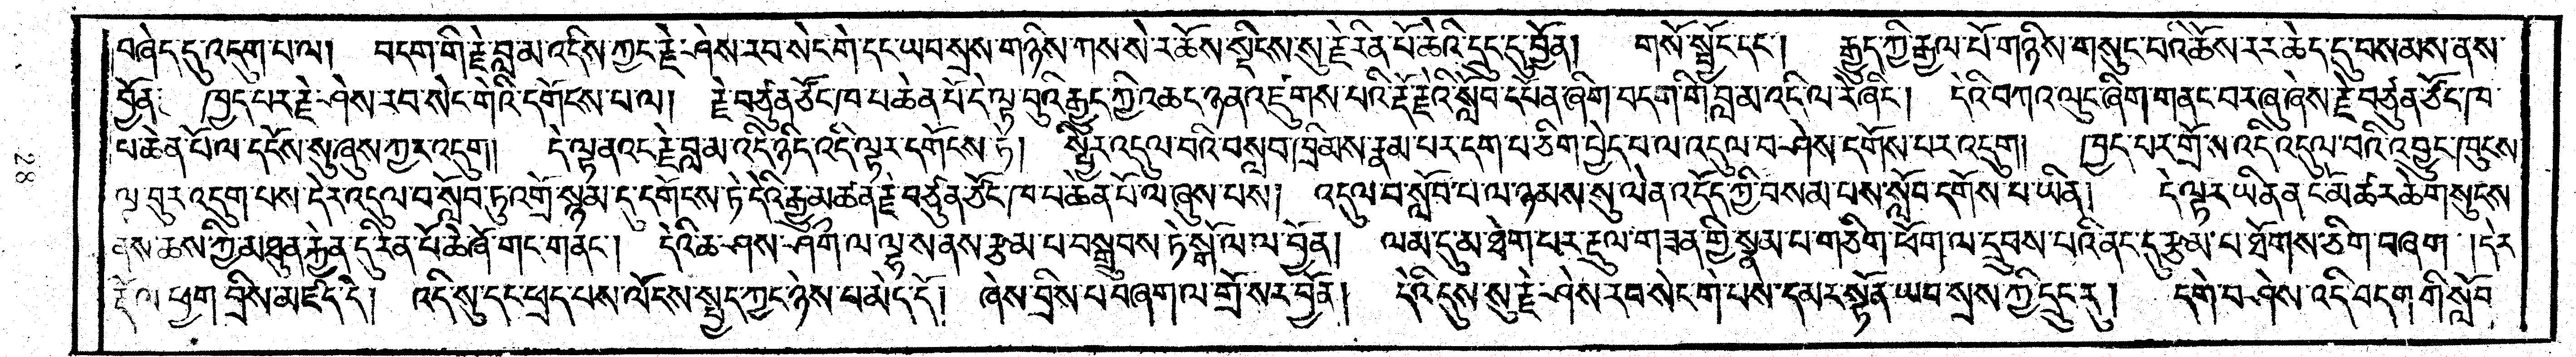བཞེད་དུ་འདུག་པ་ལ། བདག་གི་རྗེ་བླ་མ་འདིས་ཀྱང་རྗེ་ཤེས་རབ་སེང་གེ་དང་ཡབ་སྲས་གཉིས་ཀས་སེ་ར་ཆོས་སྡིངས་སུ་རྗེ་རིན་པོ་ཆེའི་དྲུང་དུ་བྱོན། གསོ་སྦྱོང་དང་། རྒྱུད་ཀྱི་རྒྱལ་པོ་གཉིས་གསུང་བའི་ཆོས་རར་ཆེད་དུ་བསམས་ནས་
བྱོན༑ ཁྱད་པར་རྗེ་ཤེས་རབ་སེང་གེའི་དགོངས་པ་ལ། རྗེ་བཙུན་ཙོང་ཁ་པ་ཆེན་པོ་དེ་ལྟ་བུའི་རྒྱུད་ཀྱི་འཆད་ཉན་འཛུགས་པའི་རྡོ་རྗེའི་སློབ་དཔོན་ཞིག་བདག་གི་བལ་མ་འདི་ལ་རེ་ཞིང་། དེའི་བཀའ་ལུང་ཞིག་གང་བར་ཞུ་ཞེས་རྗེ་བཙུན་ཙོང་ཁ་
པ་ཆེན་པོ་ལ་དངོས་སུ་ཞུས་ཀྱང་འདུག། དེ་ལྟ་ནའང་རྗེ་བླ་མ་འདི་ཉིད་འདི་ལྟར་དགོངས་ཏེ། སྤྱིར་འདུལ་བའི་བསླབ་ཁྲིམས་རྣམ་པར་དག་པ་ཅིག་པྱེད་བ་ལ་འདུལ་བ་ཤེས་དགོས་པར་འདུག། ཁྱད་པར་གྲོ་ས་འདི་འདུལ་བའི་འབྱུང་ཁུངས་
ལྟ་བུར་འདུག་པས་དེར་འདུལ་བ་སློབ་ཏུ་འགོར་སྙམ་དུ་དགོངས་ཏེ་དེའི་རྒྱུ་མཚན་རྗེ་བཙུན་ཙོང་ཁ་པ་ཆེན་པོ་ལ་ཞུས་པས། འདུལ་བ་སློབ་པ་ལ་ཉམས་སུ་ལེན་འདོད་ཀྱི་བསམ་པས་སློབ་དོགས་པ་ཡིན། དེ་ལྟར་ཡིན་ནང་མཚར་ཆེ་གསུངས་
ནས་ཆས་ཀྱི་མཐུན་རྐྱེན་དུ་རིན་པོ་ཆེ་ཞོ་གང་གནང་། དེའི་ཆ་ཤས་ཤིག་ལ་ལྷ་ས་ནས་རྩམ་པ་བསྒྲུབས་ཏེ་སྒོ་ལ་ལ་བྱོན། ལམ་དུ་མ་ཐེག་པར་རྡུལ་གཟན་གྱི་སྣམ་པ་གཅིག་ཕོག་ལ་དྲུབས་པའི་ནང་དུ་རྩམ་པ་ཐོགས་ཅིག་བཞག །དེར་
རྡོལ་ཕྱག་བྲིས་མཛད་དེ། འདི་སུ་དང་ཕྲད་པས་ལོངས་སྤྱད་ཀྱང་ཉེས་པ་མེད་དོ། ཞེས་བྲིས་པ་བཞག་ལ་གྲོ་སར་བྱོན། དེའི་དུས་སུ་རྗེ་ཤེས་རབ་སེང་གེ་པས་དམར་སྟོན་ཡབ་སྲས་ཀྱི་དྲུང་རུ། དགེ་བཤེས་འདི་བདག་གི་སློབ་